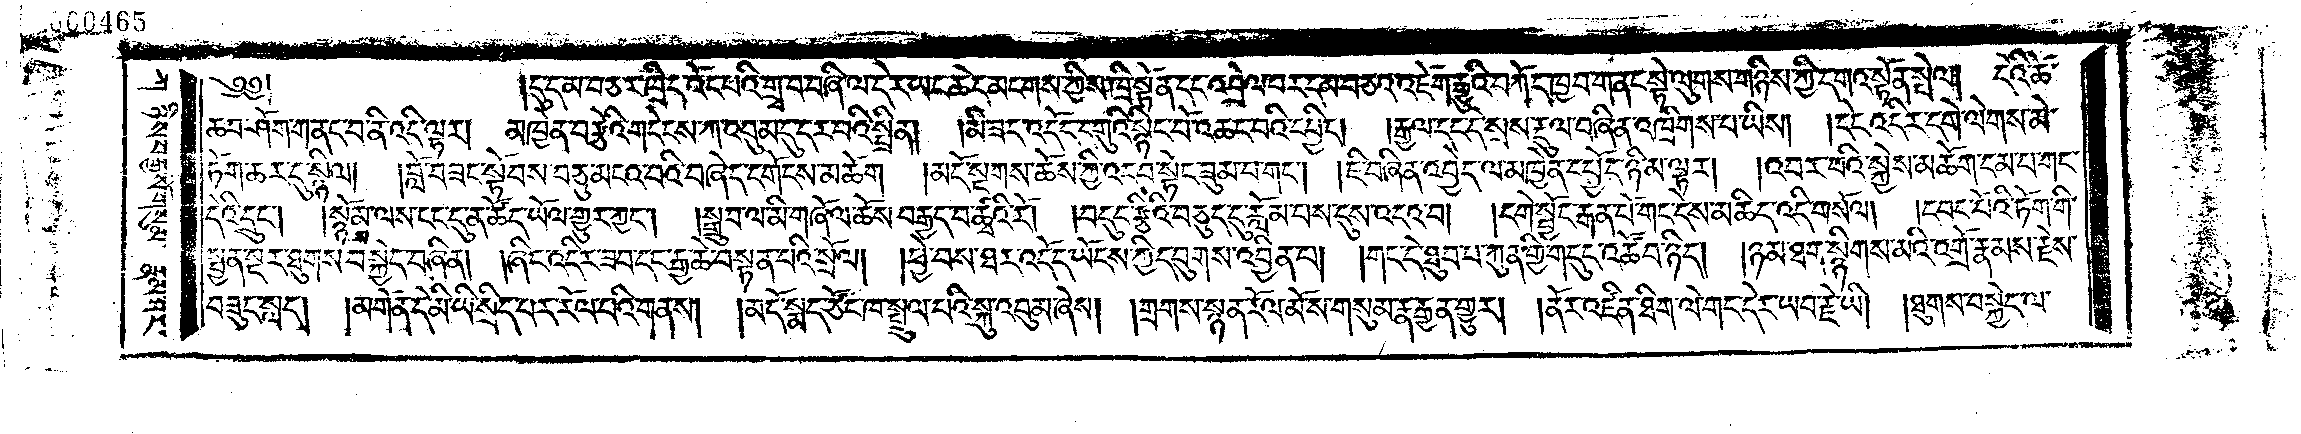༄༅། །དུ་དམ་བཅར་ཁྲིད་འོང་པའི་གྲྭ་བ་བཞི་ལ་དེར་ཡང་ཆེད་མངགས་ཀྱིས་ཁྲི་སྟོན་དང་འབྲེལ་བར་དམ་བཅའ་འཇོག་རྒྱུའི་བཀོད་ཁྱབ་གནང་སྟེ་ལུགས་གཉིས་ཀྱི་དགའ་སྟོན་སྤེལ། དེའི་ཚེ་
ཆབ་ཤོག་གནང་བ་ནི་འདི་ལྟར། མཁྱེན་བརྩེའི་གདེངས་ཀ་འབུམ་དུ་དར་བའི་སྤྲིན། །མི་ཟད་འདོང་དགུའི་སྙིང་པོ་འཆང་བའི་དཔྱིད། །རྒྱལ་དང་དེ་སྲས་རྡུལ་བཞིན་འཁྲིགས་པ་ཡིས། །དེང་འདིར་དགེ་ལེགས་མེ་
ཏོག་ཆར་དུ་སྙིལ། །བློ་བཟང་སྟོབས་བཅུ་མངའ་བའི་བཞེད་དགོངས་མཆོག །མདོ་སྔགས་ཆོས་ཀྱི་འདབ་སྟེང་ཟུམ་པ་གང་། །ཇི་བཞིན་འབྱེད་ལ་མཁྱེན་དཔྱོད་ཉི་མ་ལྟར། །འབར་བའི་སྐྱེས་མཆོག་དམ་པ་གང་
དེའི་དྲུང་། །སྙོམས་ལས་དང་དུ་ན་ཚོད་ཡོལ་གྱུར་ཀྱང་། །སྒྲུབ་ལ་མི་གཞོལ་ཆོས་བརྒྱད་བ་ཚྭའི་རོ། །བདུང་རྩིའི་བཅུད་དུ་རློམ་པས་དུས་འདའ་བ། །དགེ་སྦྱོང་རྒན་པོ་གང་དེས་མཆིད་འདི་གསོལ། །དབང་པོའི་ཏོག་གི་
སྦྱན་སྔར་ཐུགས་བསྐྱེད་བཞིན། །ཞིང་འདིར་ཟབ་དང་རྒྱ་ཆེ་བསྟན་པའི་སྲོལ། །ཕྱེ་བས་ཐར་འདོད་ཡོངས་ཀྱི་དབུགས་འབྱིན་པ། །གང་དེ་ཐུབ་པ་ཀུན་གྱི་གདུང་འཚོ་བ་ཉིད། །ཉམ་ཐག་སྙིགས་མའི་འགྲོ་རྣམས་རྗེས་
བཟུང་སླད། །མགོན་དེ་མི་ཡི་སྲིད་བར་རོལ་པའི་གནས། །མདོ་སྨད་ཙོང་ཁ་སྤྲུལ་པའི་སྐུ་འབུམ་ཞེས། །གྲགས་སྙན་རོལ་མོ་ས་གསུམ་རྣ་རྒྱན་གྱུར། །ནོར་འཛིན་ཐིག་ལེ་གང་དེར་ཡབ་རྗེ་ཡི། །ཐུགས་བསྐྱེད་ལ་